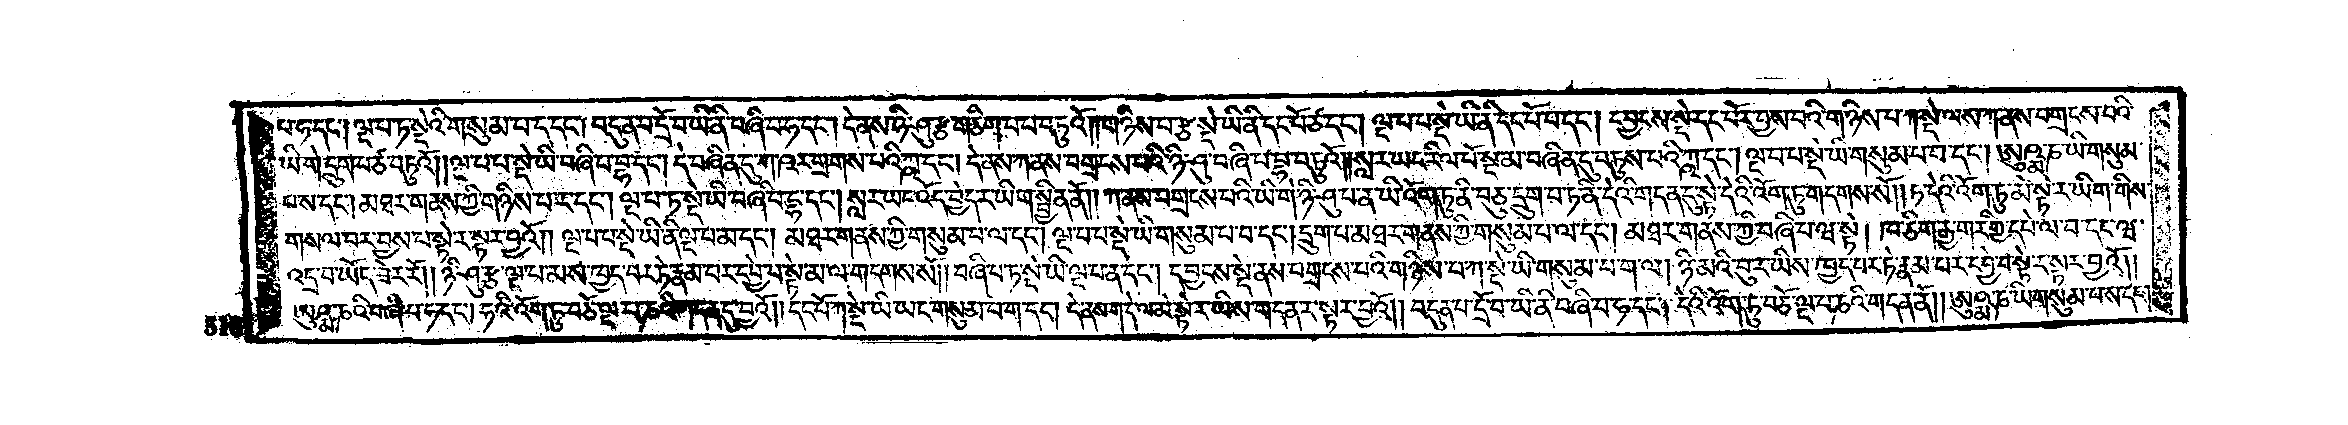པ་ཧ་དང་། ལྔ་པ་ཏ་སྡེའི་གསུམ་པ་ད་དང་། བདུན་པ་དྲོ་བ་ཡི་ནི་བཞི་པ་ཧ་དང་། དེ་ནས་ཉི་ཤུ་རྩ་གཅིག་པ་པ་བཏུའོ། །གཉིས་པ་རྩ་སྡེ་ཡི་ནི་དང་པོ་ཙ་དང་། ལྔ་པ་པ་སྡེ་ཡི་ནི་དང་པོ་པ་དང་། དབྱངས་སྡེ་དང་པོར་བྱས་པའི་གཉིས་པ་ཀ་སྡེ་ལས་ཀ་ནས་བགྲངས་པའི་
ཡི་གེ་དྲུག་པ་ཙ་བཏུའོ། །ལྔ་པ་པ་སྡེ་ཡི་བཞི་པ་བྷ་དང་། དེ་བཞིན་དུ་ཀ་ཥར་གྲགས་པའི་ཀྵ་དང་། དེ་ནས་ཀ་ནས་བགྲངས་པའི་ཉི་ཤུ་བཞི་པ་བྷ་བཏུའོ། །སླར་ཡང་རིལ་པོ་སྔ་མ་བཞིན་དུ་བཏུས་པའི་ཀྵ་དང་། ལྔ་པ་པ་སྡེ་ཡི་གསུམ་པ་པ་དང་། ཨུཥྨ་ཎ་ཡི་གསུམ་
པ་ས་དང་། མཐར་གནས་ཀྱི་གཉིས་པ་ར་དང་། ལྔ་པ་ཏ་སྡེ་ཡི་བཞི་པ་དྷ་དང་། སླར་ཡང་འོད་བྱེད་ར་ཡིག་སྦྱིན་ནོ། །ཀ་ནས་བགྲངས་པའི་ཡི་གེ་ཉི་ཤུ་པ་ན་ཡི་འོག་ཏུ་ནི་བཅུ་དྲུག་པ་ཏ་ནི་དེའི་གདན་དུ་སྟེ་དེའི་འོག་ཏུ་གདགས་སོ། །ཏ་དེའི་འོག་ཏུ་མེ་སྟེར་ཡིག་གིས་
གསལ་བར་བྱས་པ་སྟེ་ར་སྟར་བྱའོ། །ལྔ་པ་པ་སྡེ་ཡི་ནི་ལྔ་པ་མ་དང་། མཐར་གནས་ཀྱི་གསུམ་པ་ལ་དང་། ལྔ་པ་པ་སྡེ་ཡི་གསུམ་པ་བ་དང་། དྲུག་པ་མཐར་གནས་ཀྱི་གསུམ་པ་ལ་དང་། མཐར་གནས་ཀྱི་བཞི་པ་ཝ་སྟེ། ཁ་ཅིག་རྒྱ་གར་གྱི་དཔེ་ལ་བ་དང་ཝ་
འདྲ་བ་ཡོད་ཟེར་རོ། །ཉི་ཤུ་རྩ་ལྔ་པ་མས་ཁྱད་པར་ཏེ་རྣམ་པར་དབྱེ་བ་སྟེ་མ་ལ་གདགས་སོ། །བཞི་པ་ཏ་སྡེ་ཡི་ལྔ་པ་ན་དང་། དབྱངས་སྡེ་ནས་བགྲངས་པའི་གཉིས་པ་ཀ་སྡེ་ཡི་གསུམ་པ་ག་ལ། ཉི་མའི་བུ་ར་ཡིས་ཁྱད་པར་ཏེ་རྣམ་པར་དབྱེ་བ་སྟེ་ར་སྟར་བྱའོ། །
ཨུཥྨ་ཎའི་བཞི་པ་ཧ་དང་། ཧའི་འོག་ཏུ་བཅོ་ལྔ་པ་ཎའི་གདན་དུ་བྱའོ། །དང་པོ་ཀ་སྡེ་ཡི་ཡང་གསུམ་པ་ག་དང་། དེ་ནས་ག་དེ་ལ་མེ་སྟེར་ཡིས་གདན་ར་སྟར་བྱའོ། །བདུན་པ་དྲོ་བ་ཡི་ནི་བཞི་པ་ཧ་དང་། དེའི་འོག་ཏུ་བཅོ་ལྔ་པ་ཎའི་གདན་ནོ། །ཨུཥྨ་ཎ་ཡི་གསུམ་པ་ས་དང་།